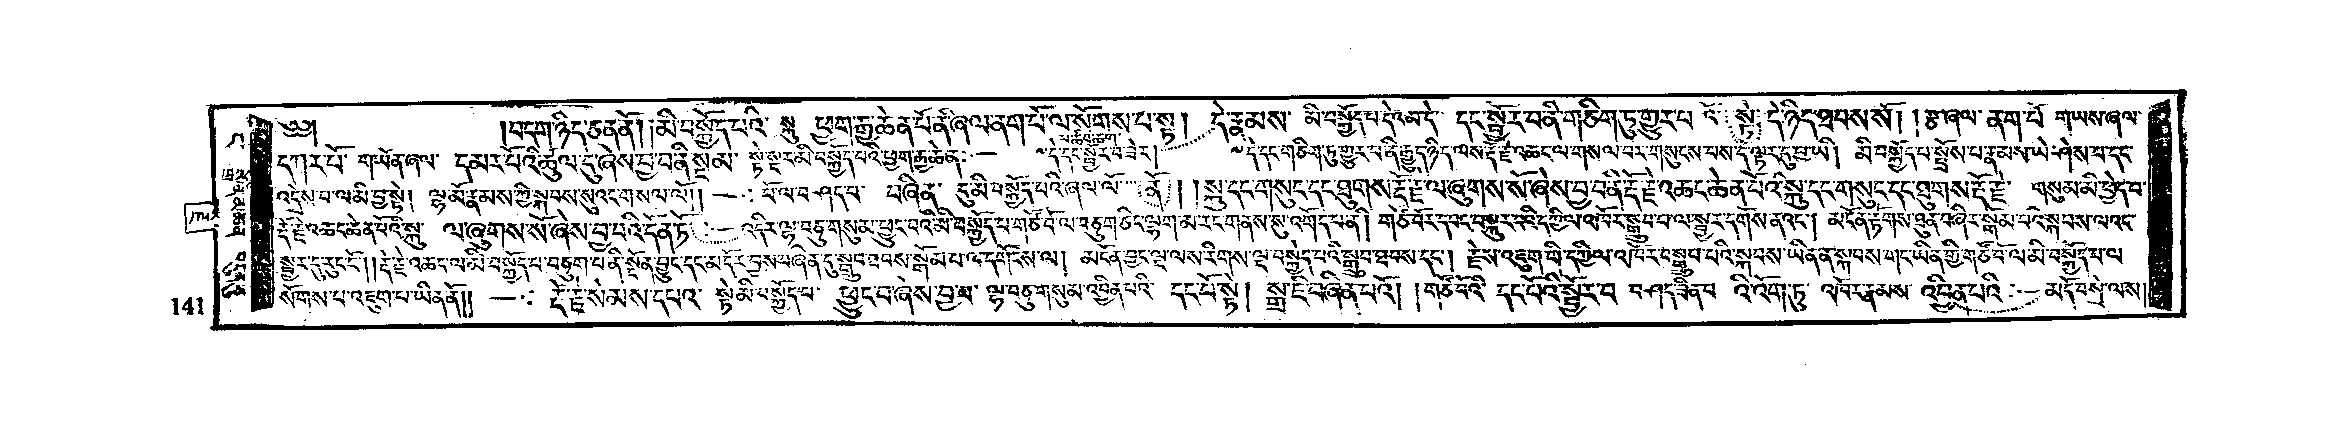༄༅། །བདག་ཉིད་ཅན་ནོ། །མི་བསྐྱོད་པའི་སྐུ་ཕྱག་རྒྱ་ཆེན་པོ་ནི་ཞལ་ནག་པོ་ལ་སོགས་པ་སྟེ། དེ་རྣམས་མི་བསྐྱོད་པ་དེའམ་དེ་དང་སྦྱོར་བ་ནི་གཅིག་ཏུ་གྱུར་པའོ་སྟེ་དེ་ཉིད་ཐབས་སོ། ། རྩ་ཞལ་ནག་པོ་གཡས་ཞལ་
དཀར་པོ་གཡོན་ཞལ་དམར་པོའི་ཚུལ་དུ་ཞེས་བྱ་བ་ནི་སྔ་མ་སྟེ་སྔར་མི་བསྐྱོད་པའི་ཕྱག་རྒྱ་ཆེནཿ་དེ་པ་ཚབ་ཆག་དང་སྦྱོར་བ་ཟེར། ༧་དེ་དང་གཅིག་ཏུ་གྱུར་པ་ནི་རྒྱུད་ཉིད་ལས་རྡོ་རྗེ་འཆང་ལ་གསལ་བར་གསུངས་པས་དེ་ལྟར་དུ་བྱ་ཡི། མི་བསྐྱོད་པ་སྤྲོས་པ་རྣམས་ཡེ་ཤེས་པ་དང་
འདྲེས་པ་ལ་མི་བྱ་སྟེ། ལྷ་མོ་རྣམས་ཀྱི་སྐབས་སུའང་གསལ་ལོ།། པོ་ལ་བཤད་པ་བཞིན་དུ་མི་བསྐྱོད་པའི་ཞལ་ལོ་ནོ། །སྐུ་དང་གསུང་དང་ཐུགས་རྡོ་རྗེ་ལ་ཞུགས་སོ་ཞེས་བྱ་བ་ནི་རྡོ་རྗེ་འཆང་ཆེན་པོའི་སྐུ་དང་གསུང་དང་ཐུགས་རྡོ་རྗེ་གསུམ་མི་ཕྱེད་པ་
རྡོ་རྗེ་འཆང་ཆེན་པོའི་སྐུ་ལ་ཞུགས་སོ་ཞེས་བྱ་བའི་དོན་ཏོ་འདིར་ལྷ་བཅུ་གསུམ་ཕྱུང་བའི་མི་བསྐྱོད་པ་གཙོ་བོ་ལ་བཅུག་ཅིང་ལྷག་མ་རང་གནས་སུ་འགོད་པ་ནི། གཙོ་བོར་དབང་བསྐུར་བའི་དཀྱིལ་འཁོར་སྒྲུབ་པ་ལ་སྦྱར་དགོས་ནའང་། མངོན་རྟོགས་ཐུན་བཞིར་སྒོམ་པའི་སྐབས་ལའང་
སྦྱར་དུ་རུང་ངོ། །རྡོ་རྗེ་འཆང་ལ་མི་བསྐྱོད་པ་བཅུག་པ་ནི་སྔོན་བྱུང་དང་མདོར་བྱས་བཞིན་དུ་སྒྲུབ་ཐབས་སྒོམ་པ་ལ་དགོངས་ལ། མངོན་བྱང་ལྔ་ལས་རིགས་ལྔ་བསྐྱེད་པའི་སྒྲུབ་ཐབས་དང་། རྗེས་འཇུག་གི་དཀྱིལ་འཁོར་བསྒྲུབ་པའི་སྐབས་ཡིན་ན་སྐབས་གང་ཡིན་གྱི་གཙོ་བོ་ལ་མི་བསྐྱོད་པ་ལ་
སོགས་པ་འཇུག་པ་ཡིན་ནོ།། རྡོ་རྗེ་སེམས་དཔའ་སྟེ་མི་བསྐྱོད་པ་ཕྱུང་བ་ཞེས་བྱ་བ་ལྷ་བཅུ་གསུམ་འབྱིན་པའི་དང་པོ་སྟེ། སྒྲ་ཇི་བཞིན་པའོ། ། གཙོ་བོའི་དང་པོའི་སྦྱོར་བ་བཤད་ཟིན་པའི་འོག་ཏུ་འཁོར་རྣམས་འབྱིན་པའི་མདོ་བསྲེ་ལས